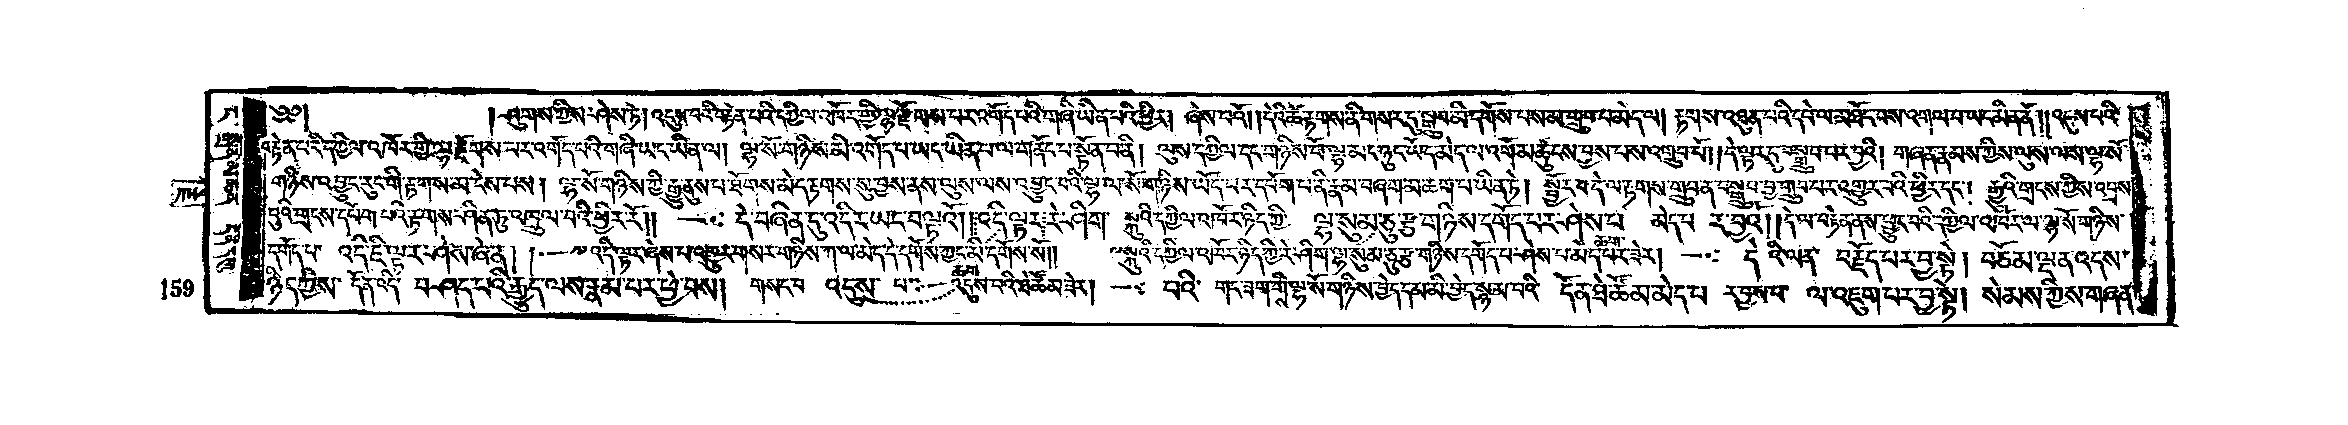༄༅། །ཤུགས་ཀྱིས་ཤེས་ཏེ། འདུས་པའི་བརྟེན་པའི་དཀྱིལ་འཁོར་གྱི་ལྷ་རྫོགས་པར་འགོད་པའི་གཞི་ཡིན་པའི་ཕྱིར། ཞེས་པའོ། །དེའི་ཚེ་རྟགས་ནི་གསར་དུ་སྒྲུབ་མི་དགོས་པས་མ་གྲུབ་པ་མེད་ལ། རྟགས་འཐུན་པའི་དཔེ་ལ་མཐོང་བས་འགལ་བ་ཡང་མིན་ནོ། །འདུས་པའི་
བརྟེན་པའི་དཀྱིལ་འཁོར་གྱི་ལྷ་རྫོགས་པར་འགོད་པའི་གཞི་ཡང་ཡིན་ལ། ལྷ་སོ་གཉིས་མི་འགོད་པ་ཡང་ཡིན་པ་ལ་གནོད་པ་སྟོན་པ་ནི། ལུས་དཀྱིལ་དང་གཉིས་པོ་ལྷ་མང་ཉུང་ཡོད་མེད་ལ་འགོ་མཚུངས་བྱས་པས་འགྲུབ་པོ། །དེ་ལྟར་དུ་བསྒྲུབ་པར་བྱའི། གཞན་རྣམས་ཀྱིས་ལུས་ལས་ལྷ་སོ་
གཉིས་འབྱུང་རུང་གི་རྟགས་མ་ངེས་པས། ལྷ་སོ་གཉིས་ཀྱི་རྒྱུ་ནུས་པ་ཐོགས་མེད་རྟགས་སུ་བྱས་ནས་ལུས་ལས་འབྱུང་བའི་ལྷ་ལ་སོ་གཉིས་ཡོད་པར་དཔོག་པ་ནི་རྣམ་བཞག་མ་ཆག་པ་ཡིན་ཏེ། སྦྱོར་བ་དེ་ལ་རྟགས་གྲུབ་ན་བསྒྲུབ་བྱ་གྲུབ་པར་འགྱུར་བའི་ཕྱིར་དང་། རྒྱུའི་གྲངས་ཀྱིས་འབྲས་
བུའི་གྲངས་དཔོག་པའི་རྟགས་ཤིན་ཏུ་འཁྲུལ་བའི་ཕྱིར་རོ།། .Hདེ་བཞིན་དུ་འདིར་ཡང་བལྟའོ། །འདི་ལྟར་རེ་ཤིག་སྐུའི་དཀྱིལ་འཁོར་ཉིད་ཀྱི་ལྷ་སུམ་ཅུ་རྩ་གཉིས་དགོད་པར་ཤེས་པ་མེད་པར་བྱའོ། །དེ་ལ་བརྟེན་ནས་ཕྱུང་བའི་དཀྱིལ་འཁོར་ལ་ལྷ་སོ་གཉིས་
དགོད་པ་འདི་ཇི་ལྟར་ཤེས་ཞེ་ན།H.་༧འདི་ལྟར་ཞེས་པ་འགྱུར་གསར་གཉིས་ཀ་ལ་མེད་དེ་དགོས་ཀྱང་མི་དགོས་སོ།། ༧སྐུའི་དཀྱིལ་འཁོར་ཉིད་ཀྱི་རེ་ཤིག་ལྷ་སུམ་ཅུ་རྩ་གཉིས་དགོད་པ་ཤེས་པ་མེད་ཆག་པར་ཟེར། .Hདེའི་ལན་བརྗོད་པར་བྱ་སྟེ། བཅོམ་ལྡན་འདས་
ཉིད་ཀྱིས་དོན་འདི་བཤད་པའི་རྒྱུད་ལས་རྣམ་པར་ཕྱེ་བས། གསང་བ་འདུས་པཿ་ཆག་འདུས་པའི་ཐེ་ཚོམ་ཟེར།  .Hཔའི་གང་ཟག་གིས་ལྷ་སོ་གཉིས་བྱེད་དམ་མི་བྱེད་སྙམ་པའི་དོན་ཐེ་ཚོམ་མེད་པར་བྱས་པ་ལ་འཇུག་པར་བྱ་སྟེ། སེམས་ཀྱིས་གཞན་